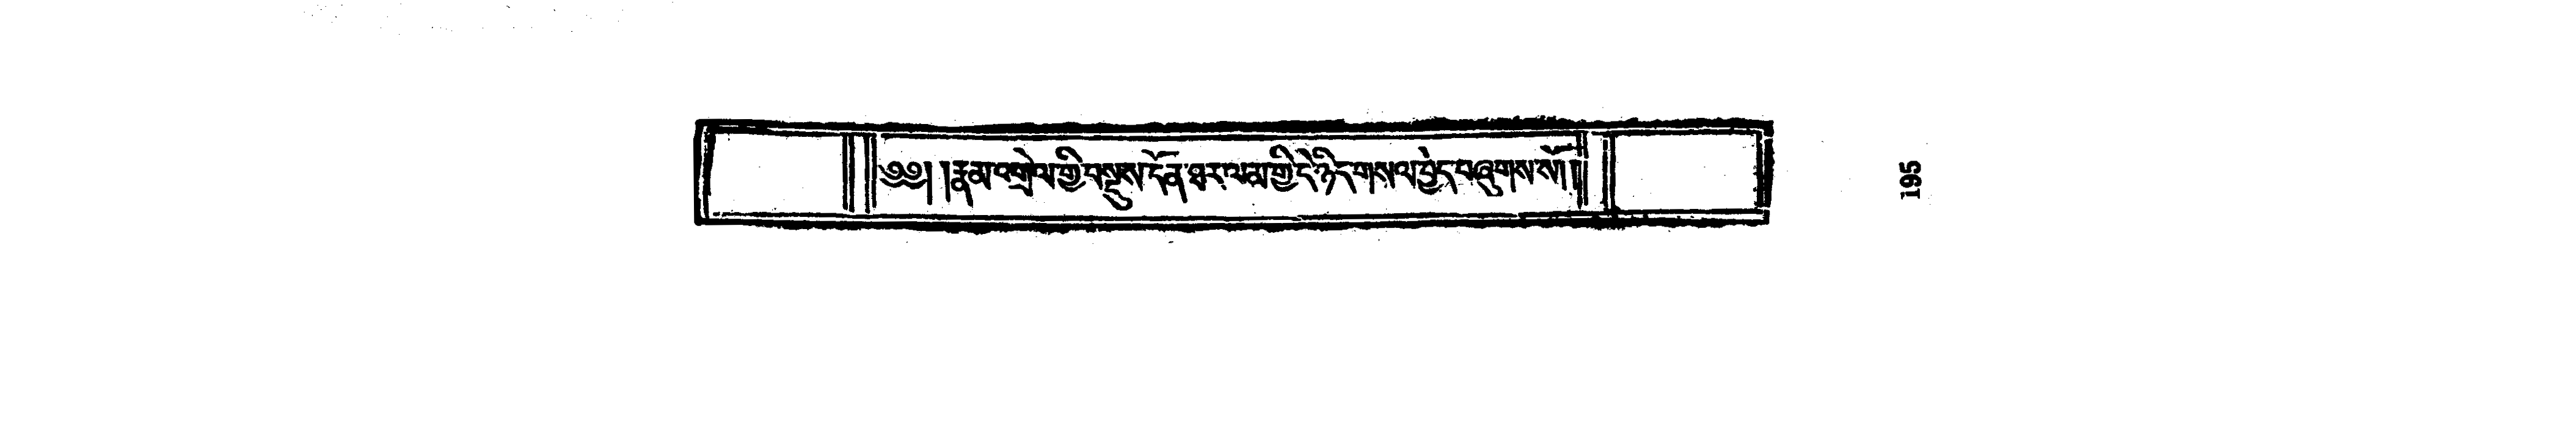༄༅། །རྣམ་འགྲེལ་གྱི་བསྡུས་དོན་ཐར་ལམ་གྱི་དེ་ཉིད་གསལ་བྱེད་བཞུགས་སོ།།